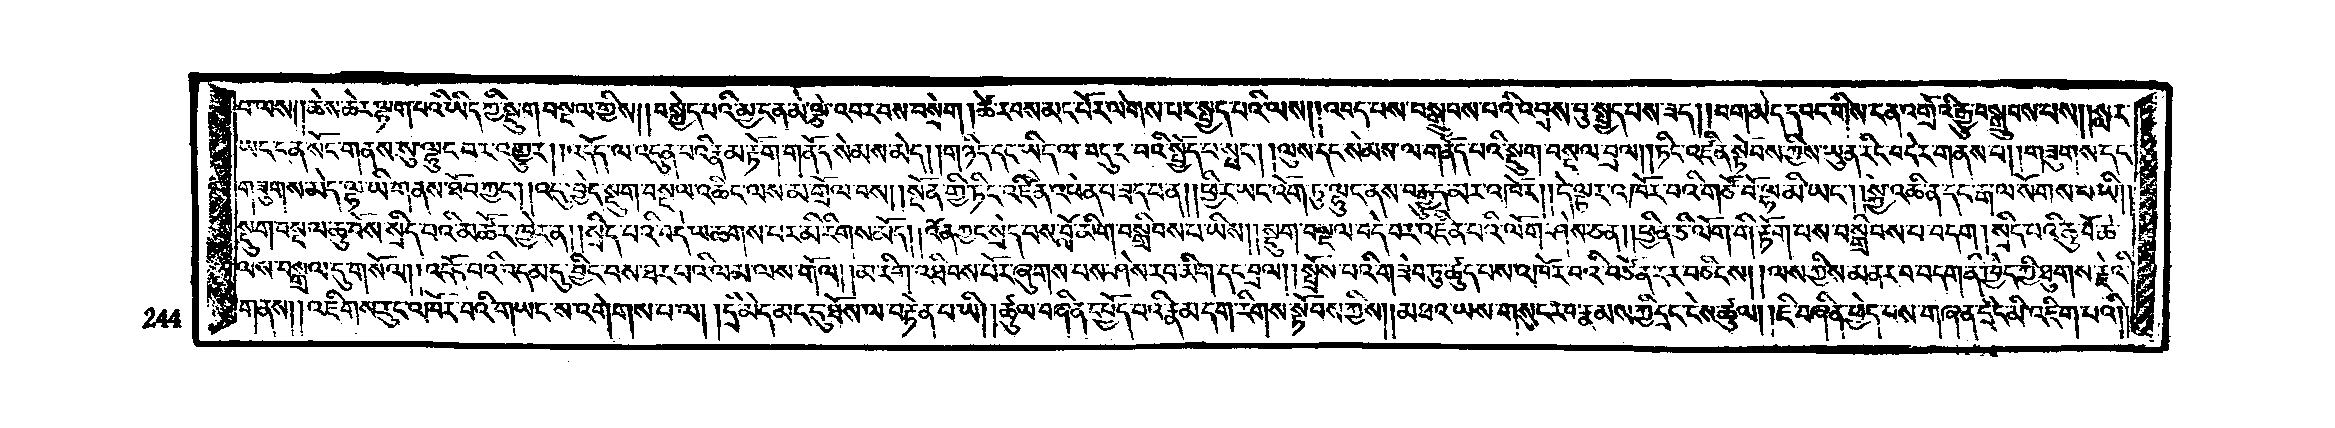བ་ལས། །ཆེས་ཆེར་ལྷག་པའི་ཡིད་ཀྱི་སྡུག་བསྔལ་གྱིས། །བསྐྱེད་པའི་མྱ་ངན་མེ་ལྕེ་འབར་བས་བསྲེག །ཚེ་རབས་མང་པོར་ལེགས་པར་སྤྱད་པའི་ལས། །འབད་པས་བསྒྲུབས་པའི་འབྲས་བུ་སྤྱད་པས་ཟད། །བག་མེད་དབང་གིས་ངན་འགྲོའི་རྒྱུ་བསྒྲུབས་པས། །སླར་
ཡང་ངན་སེང་གནས་སུ་ལྷུང་བར་འགྱུར། །འདོད་ལ་འདུན་པའི་རྣམ་རྟོག་གནོད་སེམས་མེད། །གཉིད་དང་ཡིད་ལ་མདུར་བའི་སྤྱོད་པ་སྤང་། །ལུས་དང་སེམས་ལ་གནོད་པའི་སྡུག་བསྔལ་བྲལ། །ཏིང་འཛིན་སྟོབས་ཀྱིས་ཡུན་རིང་བདེར་གནས་པ། །གཟུགས་དང་
གཟུགས་མེད་ལྷ་ཡི་གནས་ཐོབ་ཀྱང་། །འདུ་བྱེད་སྡུག་བསྔལ་འཆིང་ལས་མ་གྲོལ་བས། །སྔོན་གྱི་ཏིང་འཛིན་འཕེན་པ་ཟད་པ་ན། །ཕྱིར་ཡང་འོག་ཏུ་ལྷུང་ནས་བརྒྱུད་མར་འཁོར། །དེ་ལྟར་འཁོར་བའི་གཙོ་བོ་ལྷ་མི་ཡང་། །སྐྱེ་འཆི་ན་དང་རྒ་ལ་སོགས་པ་ཡི། །
སྡུག་བསྔལ་ཆུ་བོས་སྲིད་བའི་མཚོར་ཁྱེར་ན། །སྲིད་པའི་བདེ་ལ་ཆགས་པར་མི་རིགས་མོད། །འོན་ཀྱང་སྲེད་པས་བློ་མིག་བསྒྲིབས་པ་ཡིས། །སྡུག་བསྔལ་བདེ་བར་འཛིན་པའི་ལོག་ཤེས་ཅན། །ཕྱིན་ཅི་ལོག་གི་རྟོག་པས་བསྒྲིབས་པ་བདག །སྲིད་པའི་ཆུ་བོ་ཆེ་
ལས་བསྒྲལ་དུ་གསོལ། །འདོད་པའི་འདམ་དུ་བྱིང་བས་ཐར་བའི་ལམ་ལས་གོལ། །མ་རིག་འཐིབས་པོར་ཞུགས་པས་ཤེས་རབ་མིག་དང་བྲལ། །སྤྲོས་པའི་གཟེབ་ཏུ་ཚུད་པས་འཁོར་བའི་བཙོན་རར་བཅིངས། །ལས་ཀྱིས་མནར་བ་བདག་ནི་ཁྱེད་ཀྱི་ཐུགས་རྗེའི་
གནས། །འཇིགས་རུང་འཁོར་བའི་གཡང་ས་འགེགས་པ་ལ། །དྲི་མེད་མང་དུ་ཐོས་ལ་བརྟེན་པ་ཡི། །ཚུལ་བཞིན་དཔྱོད་པའི་རྣམ་དག་རིགས་སྟོབས་ཀྱིས། །མཐའ་ཡས་གསུང་རབ་རྣམས་ཀྱི་དྲང་ངེས་ཚུལ། །ཇི་བཞིན་ཕྱེད་པས་གཞན་དྲིང་མི་འཇག་པའི། །